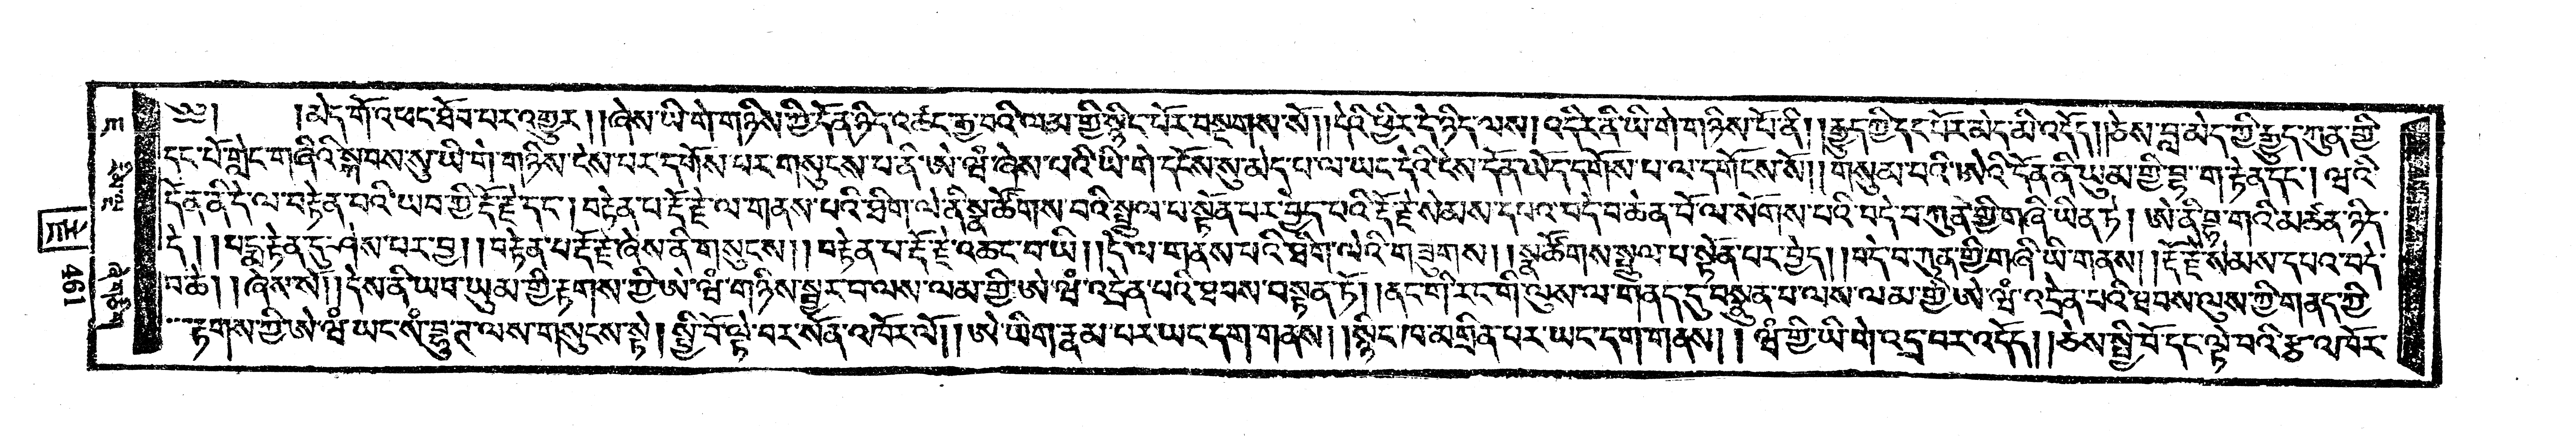༄༅། །མེད་གོ་འཕང་ཐོབ་པར་འགྱུར། །ཞེས་ཡི་གེ་གཉིས་ཀྱི་དོན་ཉིད་འཚང་རྒྱ་བའི་ལམ་གྱི་སྙིང་པོར་བསྔགས་སོ། །དེའི་ཕྱིར་དེ་ཉིད་ལས། འདིར་ནི་ཡི་གེ་གཉིས་པོ་ནི། །རྒྱུད་ཀྱི་དང་པོར་མེད་མི་འདོད། །ཅེས་བླ་མེད་ཀྱི་རྒྱུད་ཀུན་གྱི་
དང་པོ་གླེང་གཞིའི་སྐབས་སུ་ཡི་གེ་གཉིས་ངེས་པར་དགོས་པར་གསུངས་པ་ནི་ཨེ་ཝཾ་ཞེས་པའི་ཡི་གེ་དངོས་སུ་མེད་པ་ལ་ཡང་དེའི་ངེས་དོན་ཡོད་དགོས་པ་ལ་དགོངས་སོ། །གསུམ་པའི་ཨེའི་དོན་ནི་ཡུམ་གྱི་བྷ་ག་རྟེན་དང་། ཝའི་
དོན་ནི་དེ་ལ་བརྟེན་པའི་ཡབ་ཀྱི་རྡོ་རྗེ་དང་། བརྟེན་པ་རྡོ་རྗེ་ལ་གནས་པའི་ཐིག་ལེ་ནི་སྣ་ཚོགས་པའི་སྤྲུལ་པ་སྟོན་པར་བྱེད་པའི་རྡོ་རྗེ་སེམས་དཔའ་བདེ་བ་ཆེན་པོ་ལ་སོགས་པའི་བདེ་བ་ཀུན་གྱི་གཞི་ཡིན་ཏེ། ཨེ་ནི་བྷ་གའི་མཚན་ཉིད་
དེ། །པདམ་རྟེན་དུ་ཤེས་པར་བྱ། །བརྟེན་པ་རྡོ་རྗེ་ཞེས་ནི་གསུངས། །བརྟེན་པ་རྡོ་རྗེ་འཆང་བ་ཡི། །དེ་ལ་གནས་པའི་ཐིག་ལེའི་གཟུགས། །སྣ་ཚོགས་སྤྲུལ་པ་སྟོན་པར་བྱེད། །བདེ་བ་ཀུན་གྱི་གཞི་ཡི་གནས། །རྡོ་རྗེ་སེམས་དཔའ་བདེ་
བ་ཆེ། །ཞེས་སོ། །དེས་ནི་ཡབ་ཡུམ་གྱི་རྟགས་ཀྱི་ཨེ་ཝཾ་གཉིས་སྦྱར་བ་ལས་ལམ་གྱི་ཨེ་ཝཾ་འདྲེན་པའི་ཐབས་བསྟན་ཏོ། །ནང་གི་རང་གི་ལུས་ལ་གནད་དུ་བསྣུན་པ་ལས་ལམ་གྱི་ཨེ་ཝཾ་འདྲེན་པའི་ཐབས་ལུས་ཀྱི་གནད་ཀྱི་
རྟགས་ཀྱི་ཨེ་ཝཾ་ཡང་སཾ་བྷུ་ཊ་ལས་གསུངས་སྟེ། སྤྱི་བོ་ལྟེ་བར་སོན་འཁོར་ལོ། །ཨེ་ཡིག་རྣམ་པར་ཡང་དག་གནས། །སྙིང་ཁ་མགྲིན་པར་ཡང་དག་གནས། །ཝཾ་གྱི་ཡི་གེ་འདྲ་བར་འདོད། །ཅེས་སྤྱི་བོ་དང་ལྟེ་བའི་རྩ་འཁོར་